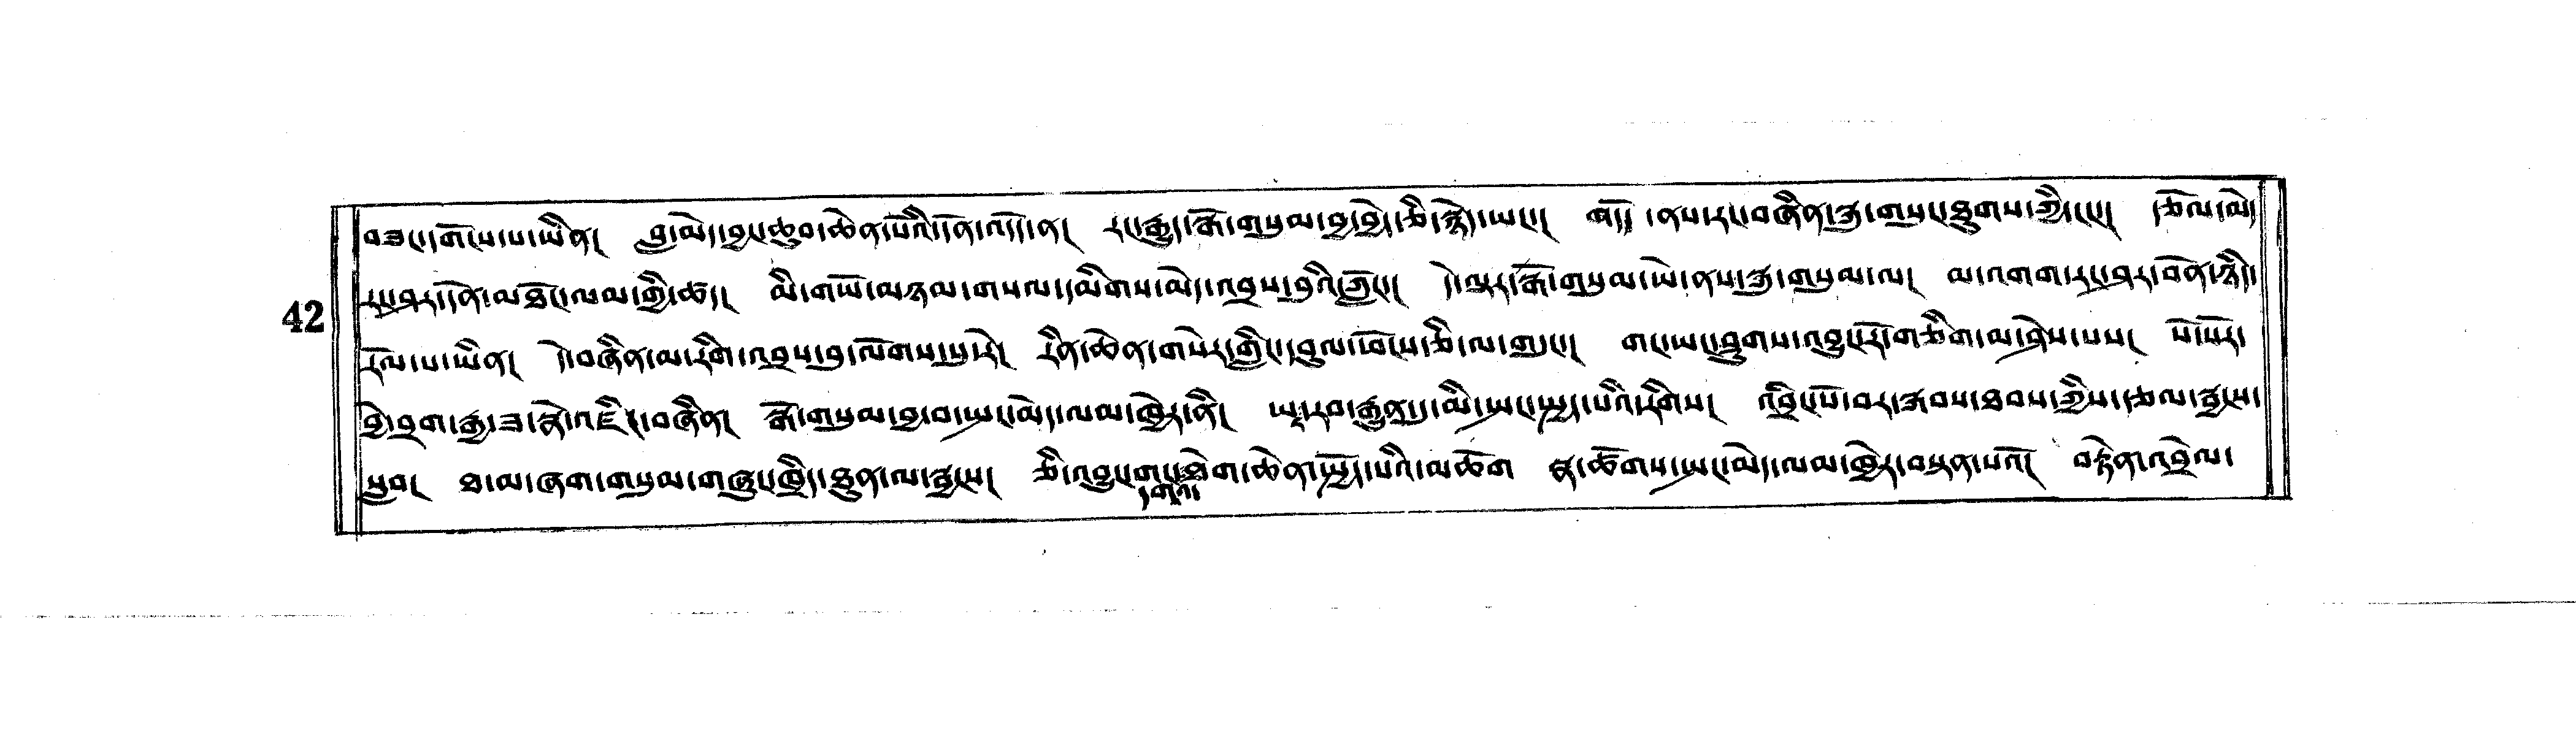བཟང་དགོངས་པ་ཡིན། བླ་མེད་བྱང་ཆུབ་ཆེན་པོའི་དོན་འདོད་ན། རང་རྒྱུད་སྒོ་གསུམ་བྱ་བྱེད་ཅི་སྙེད་ཡང་། གདོད་ནས་རང་བཞིན་སྐུ་གསུང་ཐུགས་ཀྱི་ངང་། རྩོལ་མེད་
རང་ཤར་དོན་མཐོང་ལམ་གྱི་ཚད། མི་གཡོ་མཉམ་གསལ་དམིགས་མེད་འབྲས་བུའི་ཀློང་། དེ་ལྟར་སྒོ་གསུམ་ཡེ་ནས་སྐུ་གསུམ་ལ། མ་འགག་རང་ཤར་བོན་ཉིད་
རོལ་པ་ཡིན། དེ་བཞིན་མ་རིག་འབྲས་བུ་ལོགས་སུ་རེ། རིན་ཆེན་གསེར་གླིང་དབུལ་ཕོངས་ཅི་ལ་གདུང་། གང་ཡང་ཤུགས་འབྱུང་རོ་གཅིག་མ་ཤེས་པས། སོ་སོར་
བྱེ་བྲག་རྒྱ་ཟ་སྣེ་འཛིང་བཞིན། སྒོ་གསུམ་བྱ་བ་སྤང་མེད་ལམ་ཁྱེར་ནི། ཡ་རབས་རྒྱུན་དུ་མི་སྤང་སྤྱད་པའི་རིགས། འབྲིང་པོ་བར་སྐབས་ཐབས་ཀྱིས་རྩལ་སྦྱང་
བསླབ། ཐ་མ་ཞག་གསུམ་གཞུང་ཁྲིད་ཐུན་ལ་སྦྱང་། ཅི་འབྱུང་གང་དགའ་ཐེག་ཆེན་སྤྱོད་པའི་མཆོག སྣ་ཚོགས་སྤང་མེད་ལམ་ཁྱེར་བསྟན་པའོ། རྟེན་འབྲེལ་